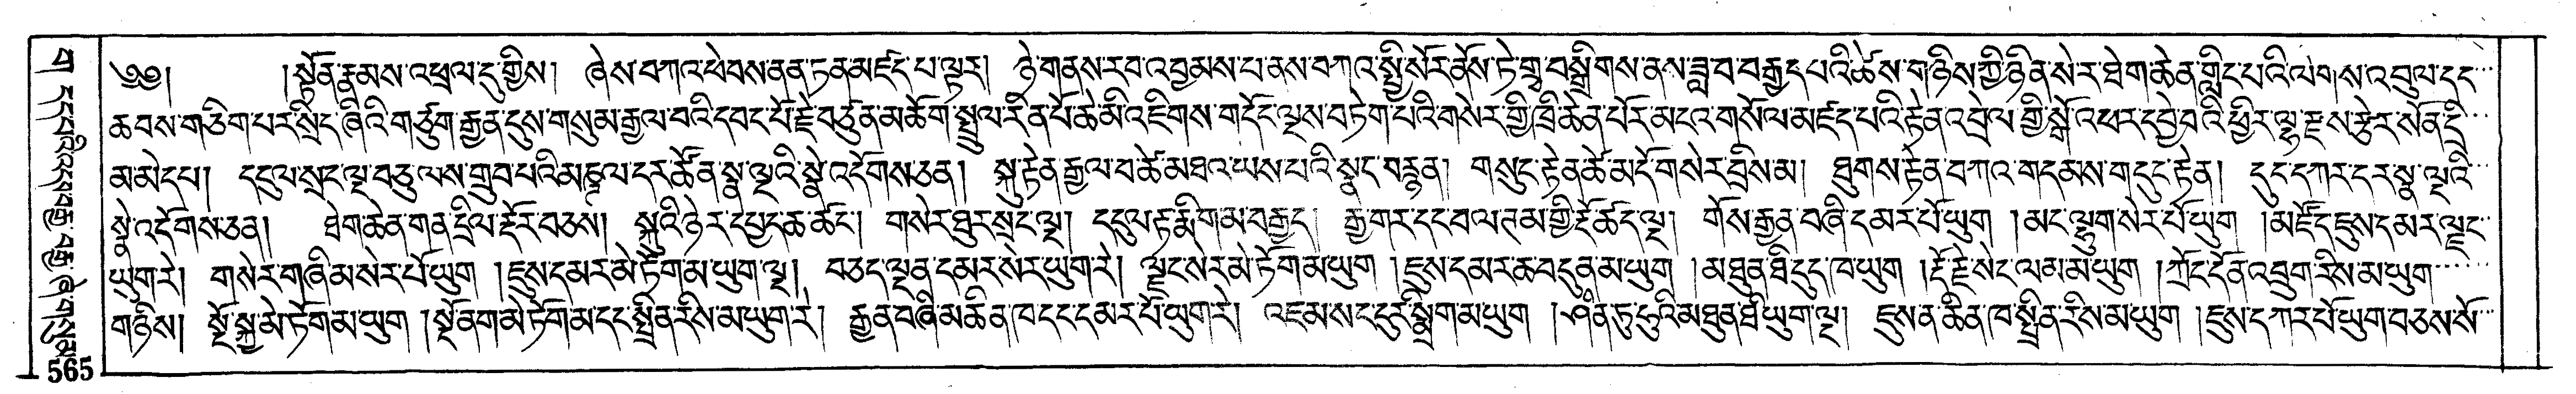༄༅། །སྟོན་རྣམས་འཕྲལ་དུ་གྱིས། ཞེས་བཀའ་ཕེབས་ནན་ཏན་མཛད་པ་ལྟར། ཉེ་གནས་རབ་འབྱམས་པ་ནས་བཀའ་སྤྱི་བོར་ནོས་ཏེ་གྲྭ་བསྒྲིགས་ནས་ཟླ་བ་བརྒྱད་པའི་ཚེས་གཉིས་ཀྱི་ཉིན་སེར་ཐེག་ཆེན་གླིང་པའི་ལེགས་འབུལ་དང་
ཆབས་གཅིག་པར་སྲིད་ཞེའི་གཙུག་རྒྱན་དུས་གསུམ་རྒྱལ་བའི་དབང་པོ་རྗེ་བཙུན་མཆོག་སྤྲུལ་རིན་པོ་ཆེ་མི་འཇིགས་གདོང་ལྔས་བཏེག་པའི་གསེར་གྱི་ཁྲི་ཆེན་པོར་མངའ་གསོལ་མཛད་པའི་རྟེན་འབྲེལ་གྱི་སྒོ་འཕར་དབྱེ་བའི་ཕྱིར་ལྷ་རྫས་རྩེར་སོན་དྲི་
མ་མེད་པ། དངུལ་སྲང་ལྔ་བཅུ་ལས་གྲུབ་པའི་མཎྜལ་དར་ཚོན་སྣ་ལྔའི་སྣེ་འདོགས་ཅན། སྐུ་རྟེན་རྒྱལ་བ་ཚེ་མཐའ་ཡས་པའི་སྣང་བརྙན། གསུང་རྟེན་ཚེ་མདོ་གསེར་བྲིས་མ། ཐུགས་རྟེན་བཀའ་གདམས་གདུང་རྟེན། དུང་དཀར་དར་སྣ་ལྔའི་
སྣེ་འདོགས་ཅན། ཐེག་ཆེན་གན་དྲིལ་རྡོར་བཅས། སྐུའི་ཉེར་དཔྱད་ཆ་ཚང་། གསེར་ཐུར་སྲང་ལྔ། དངུལ་རྟ་རྨིག་མ་བརྒྱད། རྒྱ་གར་དང་བལ་ཊམ་གྱི་རྡོ་ཚད་ལྔ། གོས་རྒྱན་བཞི་དམར་པོ་ཡུག །མང་ལྷུག་སེར་པོ་ཡུག །མཛོད་ཇུས་དམར་ལྗང་
ཡུག་རེ། གསེར་གཞི་མ་སེར་པོ་ཡུག །ཇུས་དམར་མེ་ཏོག་མ་ཡུག་ལྔ། བཅད་ལྡན་དམར་སེར་ཡུག་རེ། ལྗང་སེར་མེ་ཏོག་མ་ཡུག །ཇུས་དམར་ཆེ་བདུན་མ་ཡུག །མཐུན་ཐི་དུད་ཁ་ཡུག །རྡོ་རྗེ་སེང་ལམ་མ་ཡུག །ཀྲོང་དོན་འབྲུག་རིས་མ་ཡུག་
གཉིས། སྔོ་སྐྱ་མེ་ཏོག་མ་ཡུག །སྔོ་ནག་མེ་ཏོག་མ་དང་སྤྲིན་རིས་མ་ཡུག་རེ། རྒྱན་བཞི་མཆིན་ཁ་དང་དམར་པོ་ཡུག་རེ། འཇམ་སང་དུར་སྨྲིག་མ་ཡུག །ཤིན་ཏུ་ཧུའི་མཐུན་ཐི་ཡུག་ལྔ། ཇུས་མཆིན་ཁ་སྤྲིན་རིས་མ་ཡུག །ཇུས་དཀར་པོ་ཡུག་བཅས་སོ་